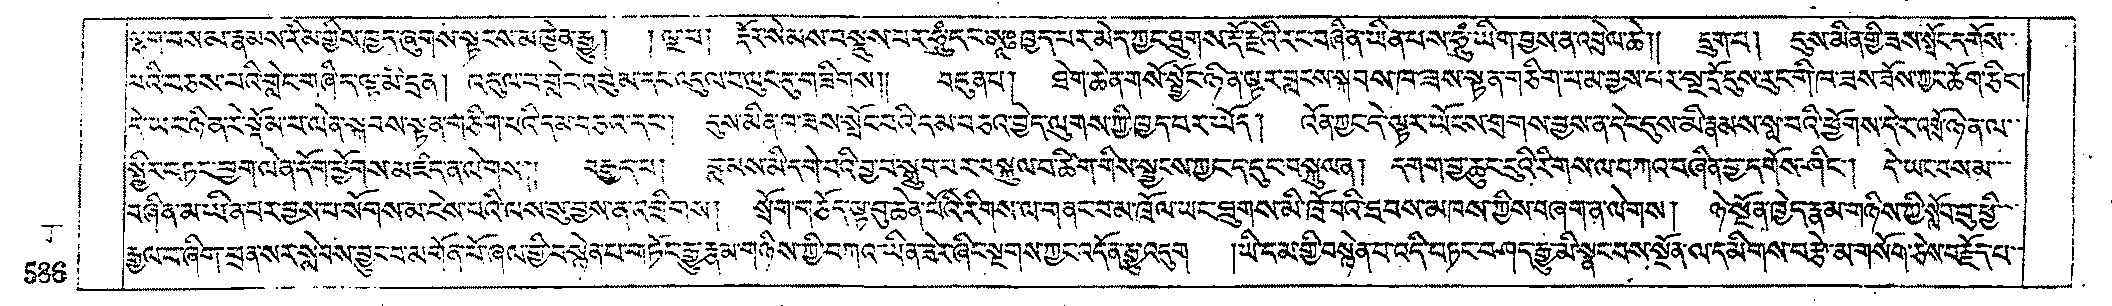ལྷག་བསམ་རྣམས་རིམ་གྱིས་ཁྱད་ཞུགས་སྟངས་མཁྱེན་རྒྱུ། །ལྔ་པ། རྡོར་སེམས་བསྡུས་པར་ཧཱུཾ་དང་ཨཱཿཁྱད་པར་མེད་ཀྱང་ཐུགས་རྡོ་རྗེའི་རང་བཞིན་ཡིན་པས་ཧཱུཾ་ཡིག་བྱས་ན་འབྲེལ་ཆེ།། དྲུག་པ། དུས་མིན་གྱི་ཟས་སྤོང་དགོས་་་
པའི་བཅས་པའི་གླེང་གཞི་ད་ལྟ་མི་དྲན། འདུལ་བ་གླེང་འབུམ་དང་འདུལ་བ་ལུང་དུ་གཟིགས།། བདུན་པ། ཐེག་ཆེན་གསོ་སྦྱོང་ཉིན་ལྟར་བླངས་སྐབས་ཁ་ཟས་སྟན་གཅིག་པ་མ་བྱས་པར་སྔ་དྲོ་དུས་རུང་གི་ཁ་ཟས་ཟོས་ཀྱང་ཆོག་ཅིང་།
དེ་ཡང་ཉིན་རེ་སྡོམ་པ་ལེན་སྐབས་སྟན་གཅིག་པའི་དམ་བཅའ་དང་། དུས་མིན་ཁ་ཟས་སྤོང་བའི་དམ་བཅའ་བྱེད་ལུགས་ཀྱི་ཁྱད་པར་ཡོད། འོན་ཀྱང་དེ་ལྟར་ཡོངས་གྲགས་བྱས་ན་དེང་དུས་མི་རྣམས་སླ་བའི་ཕྱོགས་དེར་འགྲོ་ཉེན་ལ་་་
སྤྱིར་བཏང་ཕྱག་ལེན་དོག་ཕྱོགས་མཛད་ན་ལེགས།། བརྒྱད་པ། བླ་མས་མི་དགེ་བའི་བྱ་བ་སྒྲུབ་པར་བསྐུལ་བ་ཚིག་གིས་སྦྱངས་ཀྱང་ད་དུང་བསྐུལ་ན། དགག་བྱ་ཆུང་ངུའི་རིགས་ལ་བཀའ་བཞིན་བྱ་དགོས་ཤིང་། དེ་ཡང་བསམ་་་
བཞིན་མ་ཡིན་པར་བྱས་པ་སོགས་མ་ངེས་པའི་ལས་སུ་བྱས་ན་འགྲིགས། སྲོག་གཅོད་ལྟ་བུ་ཆེན་པོའི་རིགས་ལ་གནང་བ་མ་ཁྲོལ་ཡང་ཐུགས་མི་ཁྲོ་བའི་ཐབས་མཁས་ཀྱིས་བཞག་ན་ལེགས། ཉེ་སྔོན་ཁྱེད་རྣམ་གཉིས་ཀྱི་སློབ་བུ་ཕྱི་་་
རྒྱལ་བ་ཞིག་ཕྲན་སར་སླེབས་བྱུང་བ་མགོན་པོ་ཞལ་གྱི་བསྙེན་པ་གཏོང་རྒྱུ་རྣམ་གཉིས་ཀྱི་བཀའ་ཡིན་ཟེར་ཞིང་སྔགས་ཀྱང་འདོན་རྒྱུ་འདུག །ཡི་དམ་གྱི་བསྙེན་པ་འདི་བཏང་བཤད་རྒྱུ་མི་སྣང་བས་སྔོན་ལ་དམིགས་བརྩེ་མ་གསོག་ཅེས་བརྗོད་པ་་་